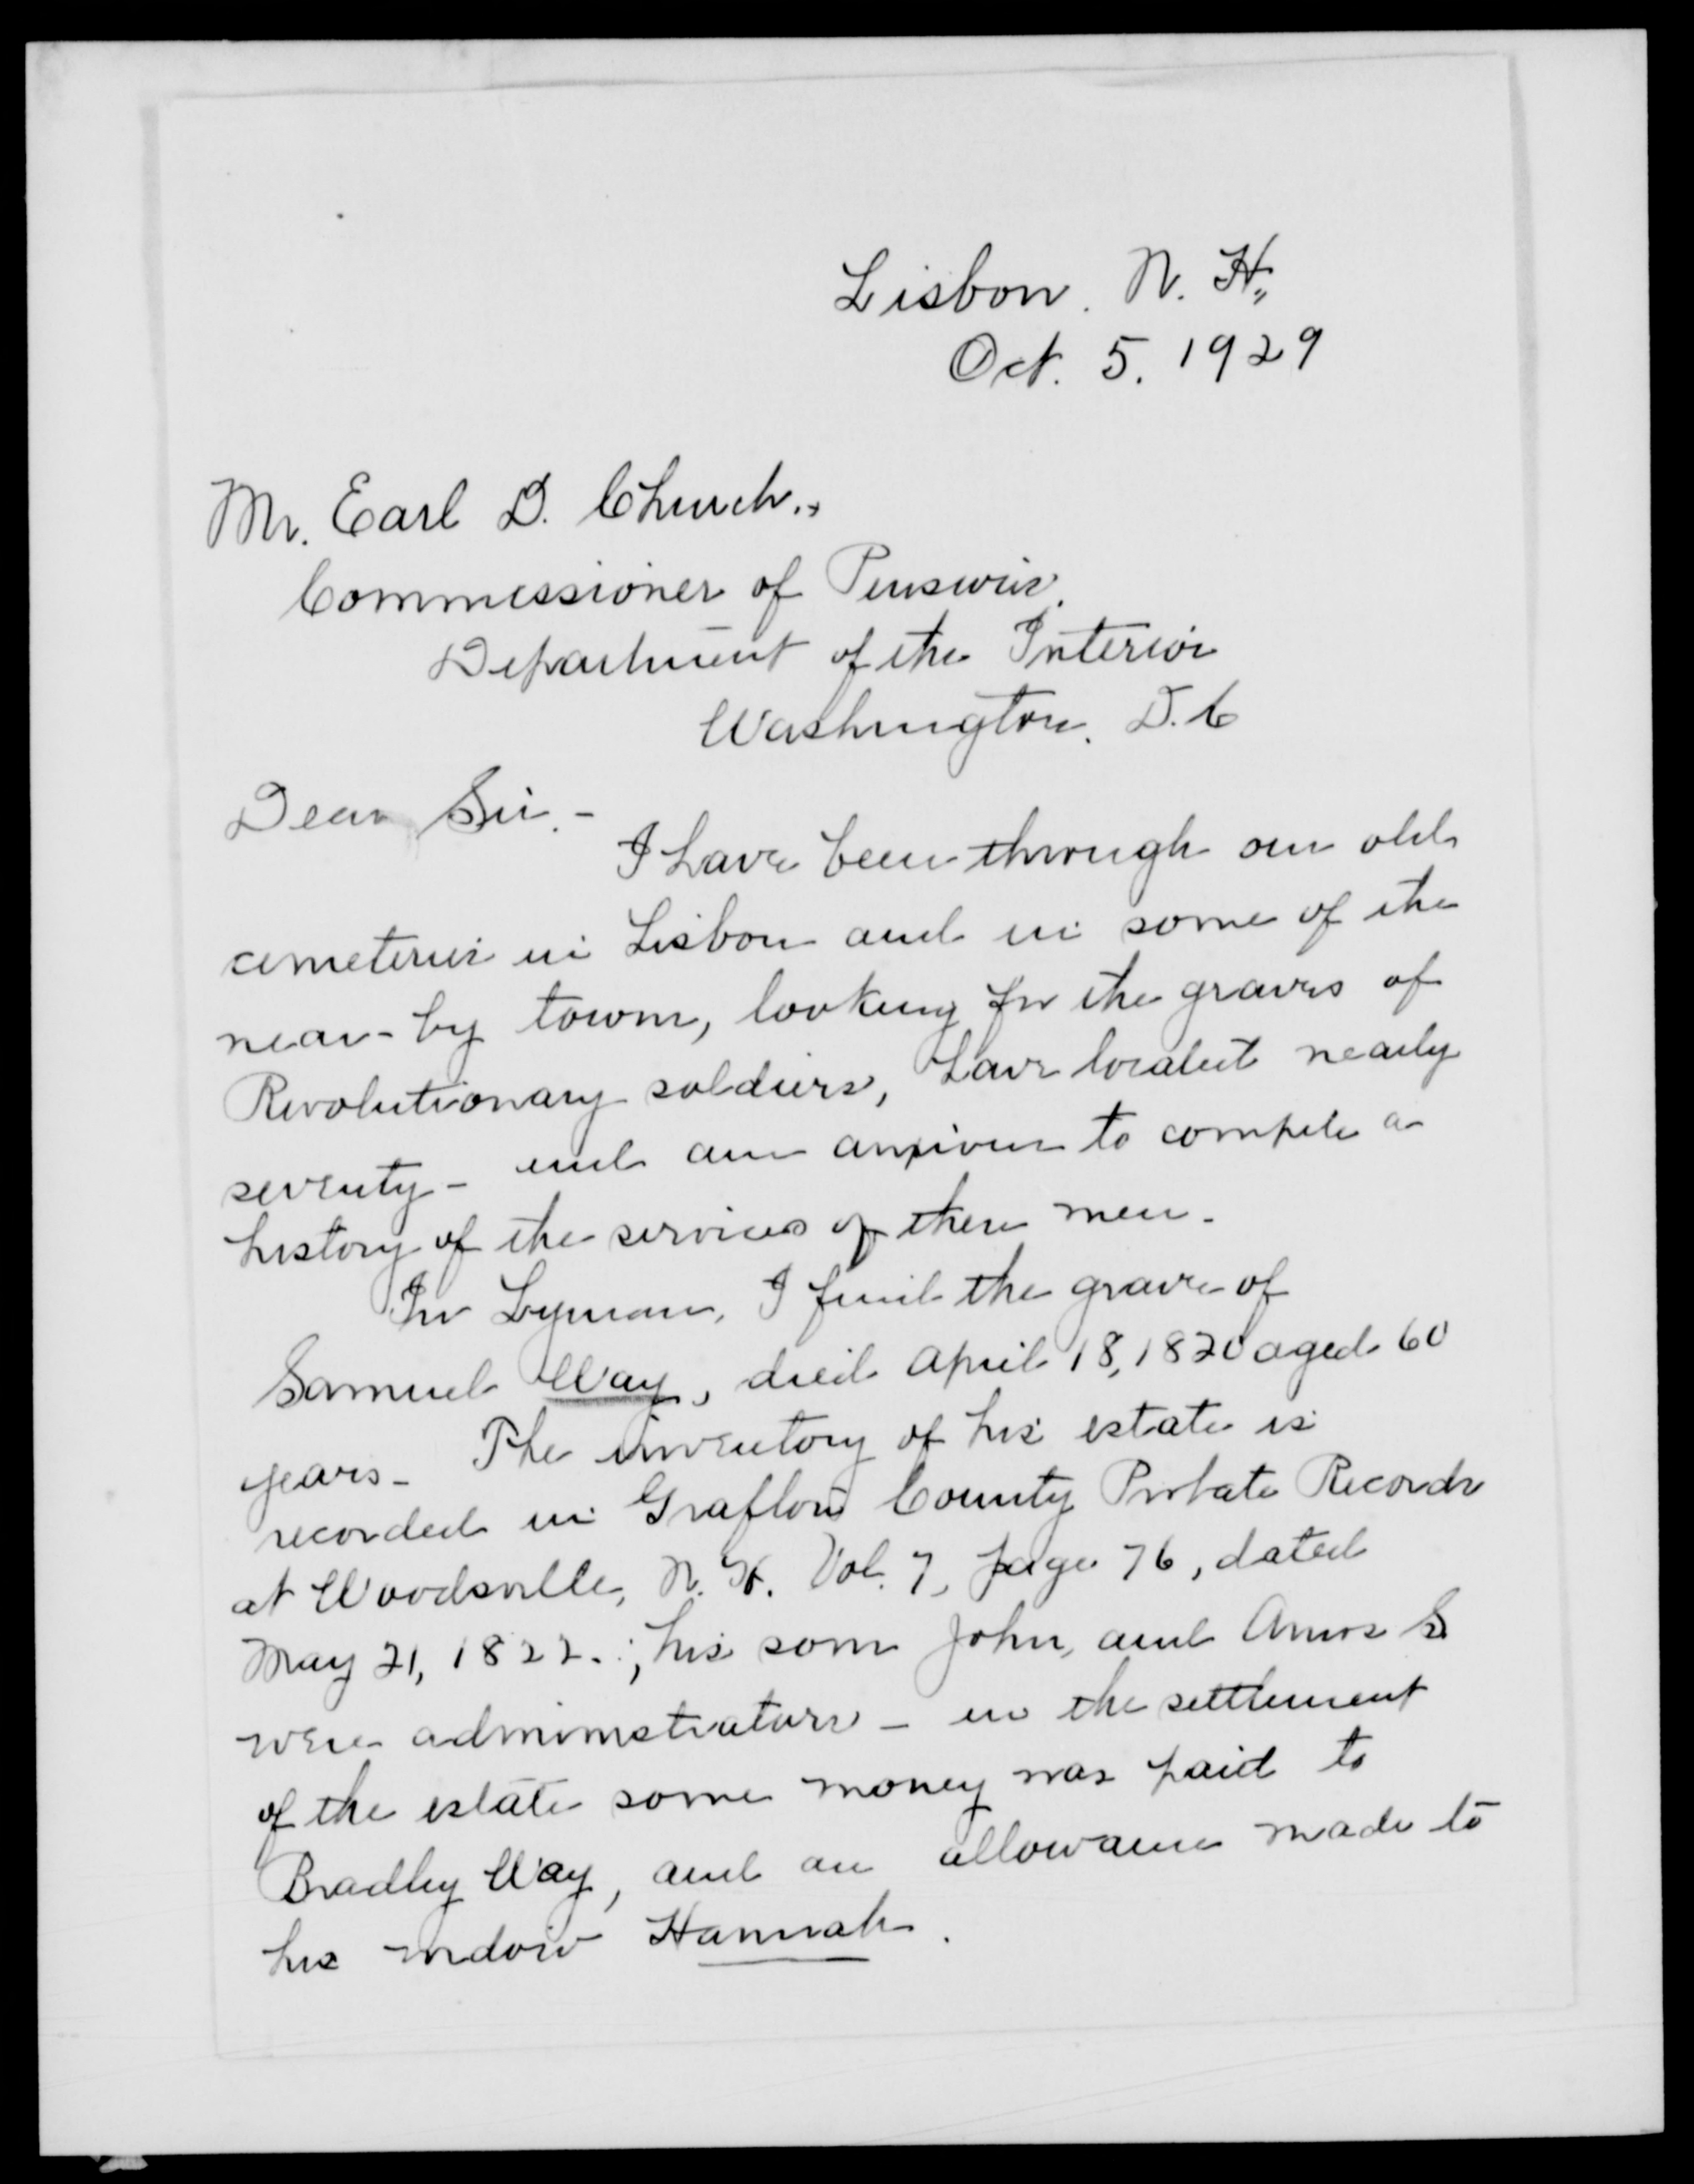Lisbon, N.H.
Oct. 5, 1929
Mr. Earl D. Church,
Commissioner of Pensions
Department of the Interior
Washington D.C.
Dear Sir -
I have been through our old
cemeteries in Lisbon and in some of the
nearby towns looking for the graves of
Revolutionary soldiers, have located nearly
seventy and am
anxious to compile a
history of the services of these men.
In Lyman, I find the grave of
Samuel Way died April 18, 1820 aged 60
years -
The Inventory of his estate is
recorded in Grafton County Probate Records
at Woodsville, N. H. Vol. 7, page 76, dated
May 21, 1822, his sons John, and Amos S
were administrators in the settlement
of the estate some money was paid to
Bradley Way and an
allowance made to
his widow Hannah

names: John, Amos S, Bradley Way, Samuel Way, Earl D Church, Hannah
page: 71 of 78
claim: widow's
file: W. 25856, Samuel Way, N.H.